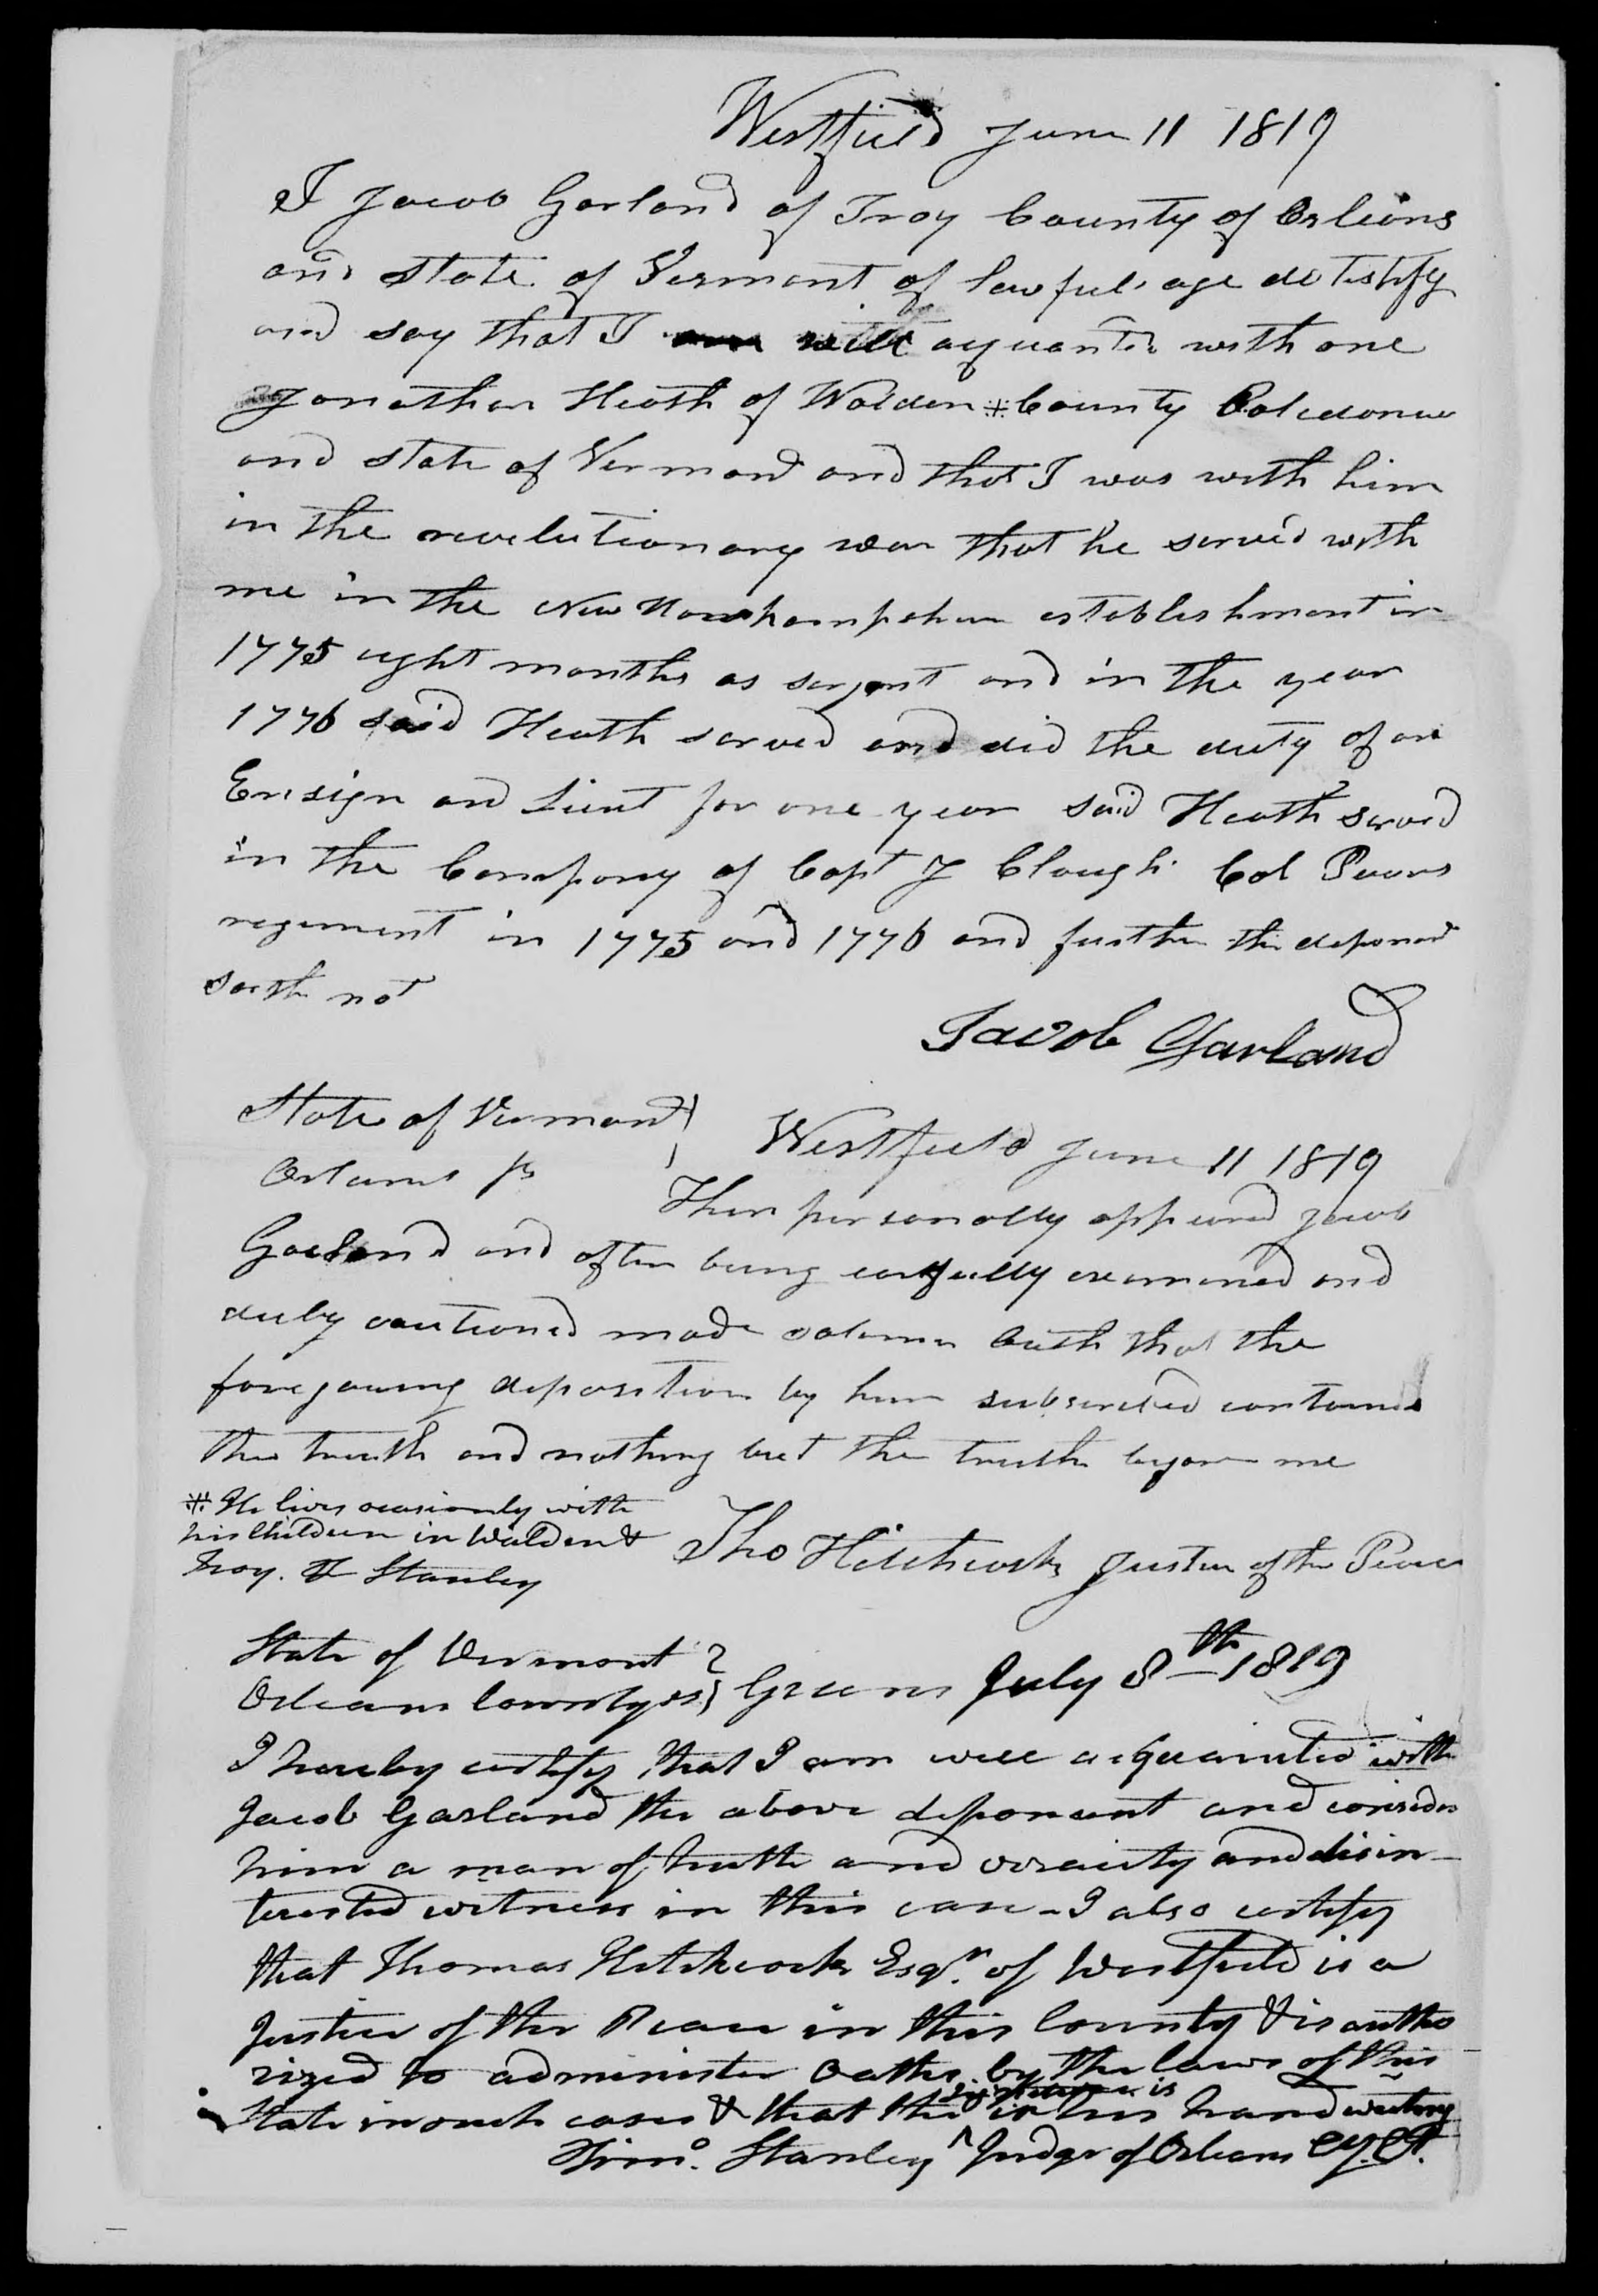Westfield June 11 1819

I Jacob Garland of Troy County of Orleans
and State of Vermont of lawful age do testify
and say that I am well acquainted with one
Jonathan Heath of Walden County Caledon
and State of Vermont and that I was with him
in the revolutionary war that he served with
me in the New New Hampshire establishment
1775 eight months as sergeant and in the year
1776 said Heath served and did the duty of one
Ensign and Lieut for one year said Heath served
in the Company of Capt & Clough Col Peirs
regiment in 1775 and 1776 and further the deponent saith not
                                                Jacob Garland
                                               
State of Vermont}
Orleans. ss}
Westfield June 11 1819 then personally appeared Jacob Garland and after being carefully examined and duly cautioned made solemn oath that the foregoing deposition by him subscribed contained the truth and nothing but the truth before me He lives occasionally with his children in Walden & Tory 
Timothy Stanley Justice of the Peace

State of Vermont}
Orleans County ss} Green July 8th 1819
I hereby certify that I am well acquainted with
Jacob Garland the above deponent and consider him a man of truth and veracity and disinterested witness in this case. I also certify
that Thomas Hitchcock Esqr of Westfield is a
Justice of the Peace in this County & is 
authorized to administer oaths, by the laws of this State in such cases & that then his hand writing
Timothy Stanley Judge of Orleans. Esq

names: Jacob Garland, Heath, Jacob Garland, Tho Hitchcock, Thomas Hitchcock, Heath, Jonathan Heath, Jacob Garland, Jacob Garland, Troy L Stanley, Timo Stanley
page: 9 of 22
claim: survivor's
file: S. 38821, Jonathan Heath, Continental N.H.